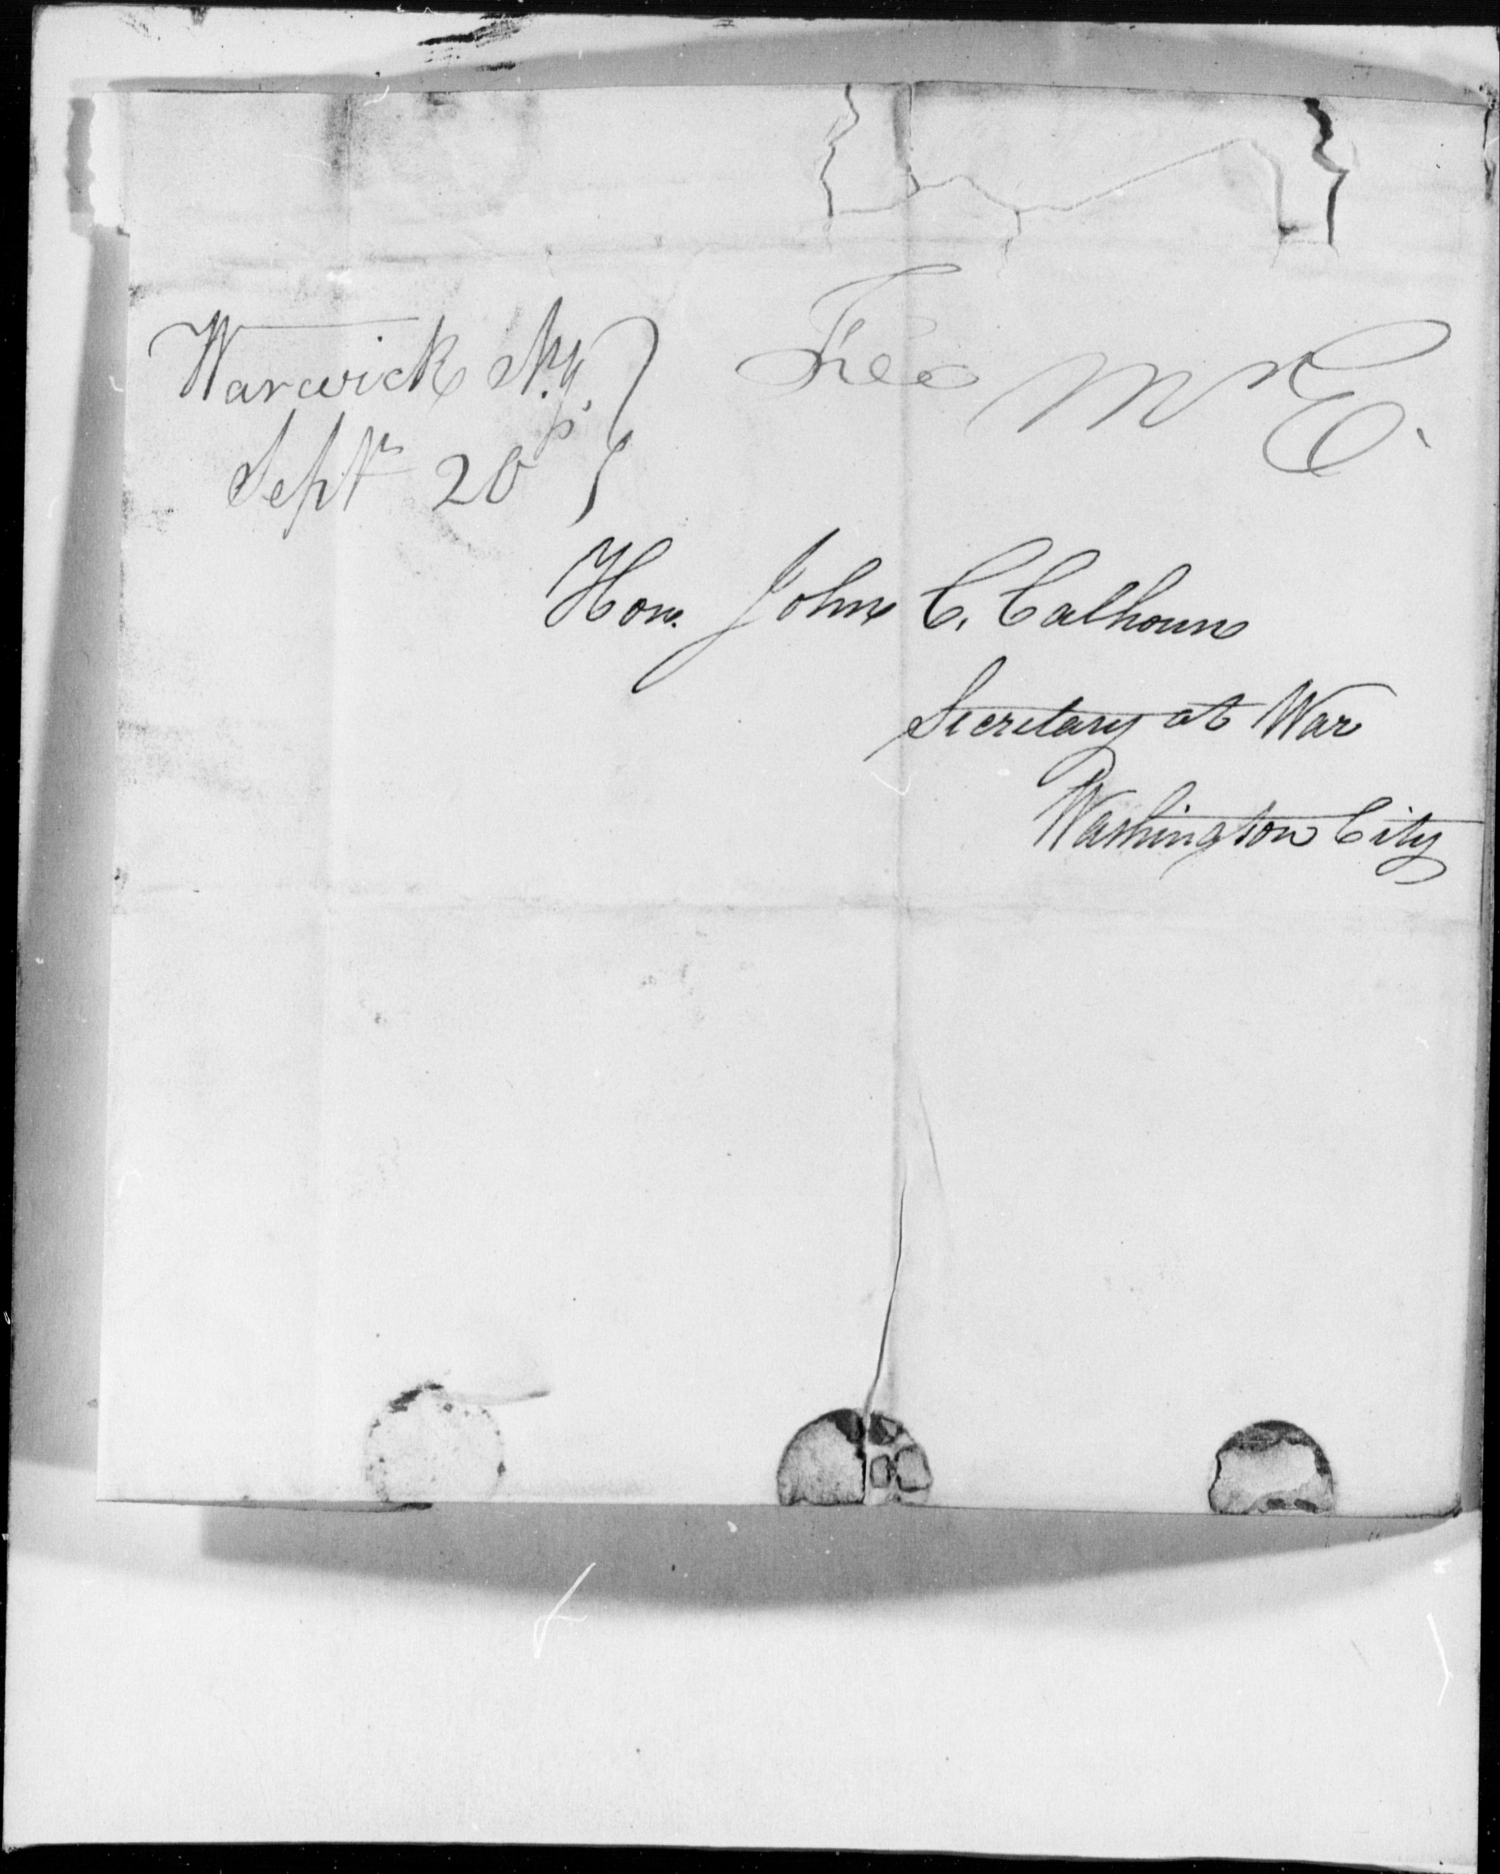Warwick, N. Y. File Mn E.
Sept.20th
Hon. John C. Calhoun
Secretary of War
Washington City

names: John C Calhoun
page: 9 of 13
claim: survivor's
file: S. 28,212, Mathew Adams, New York